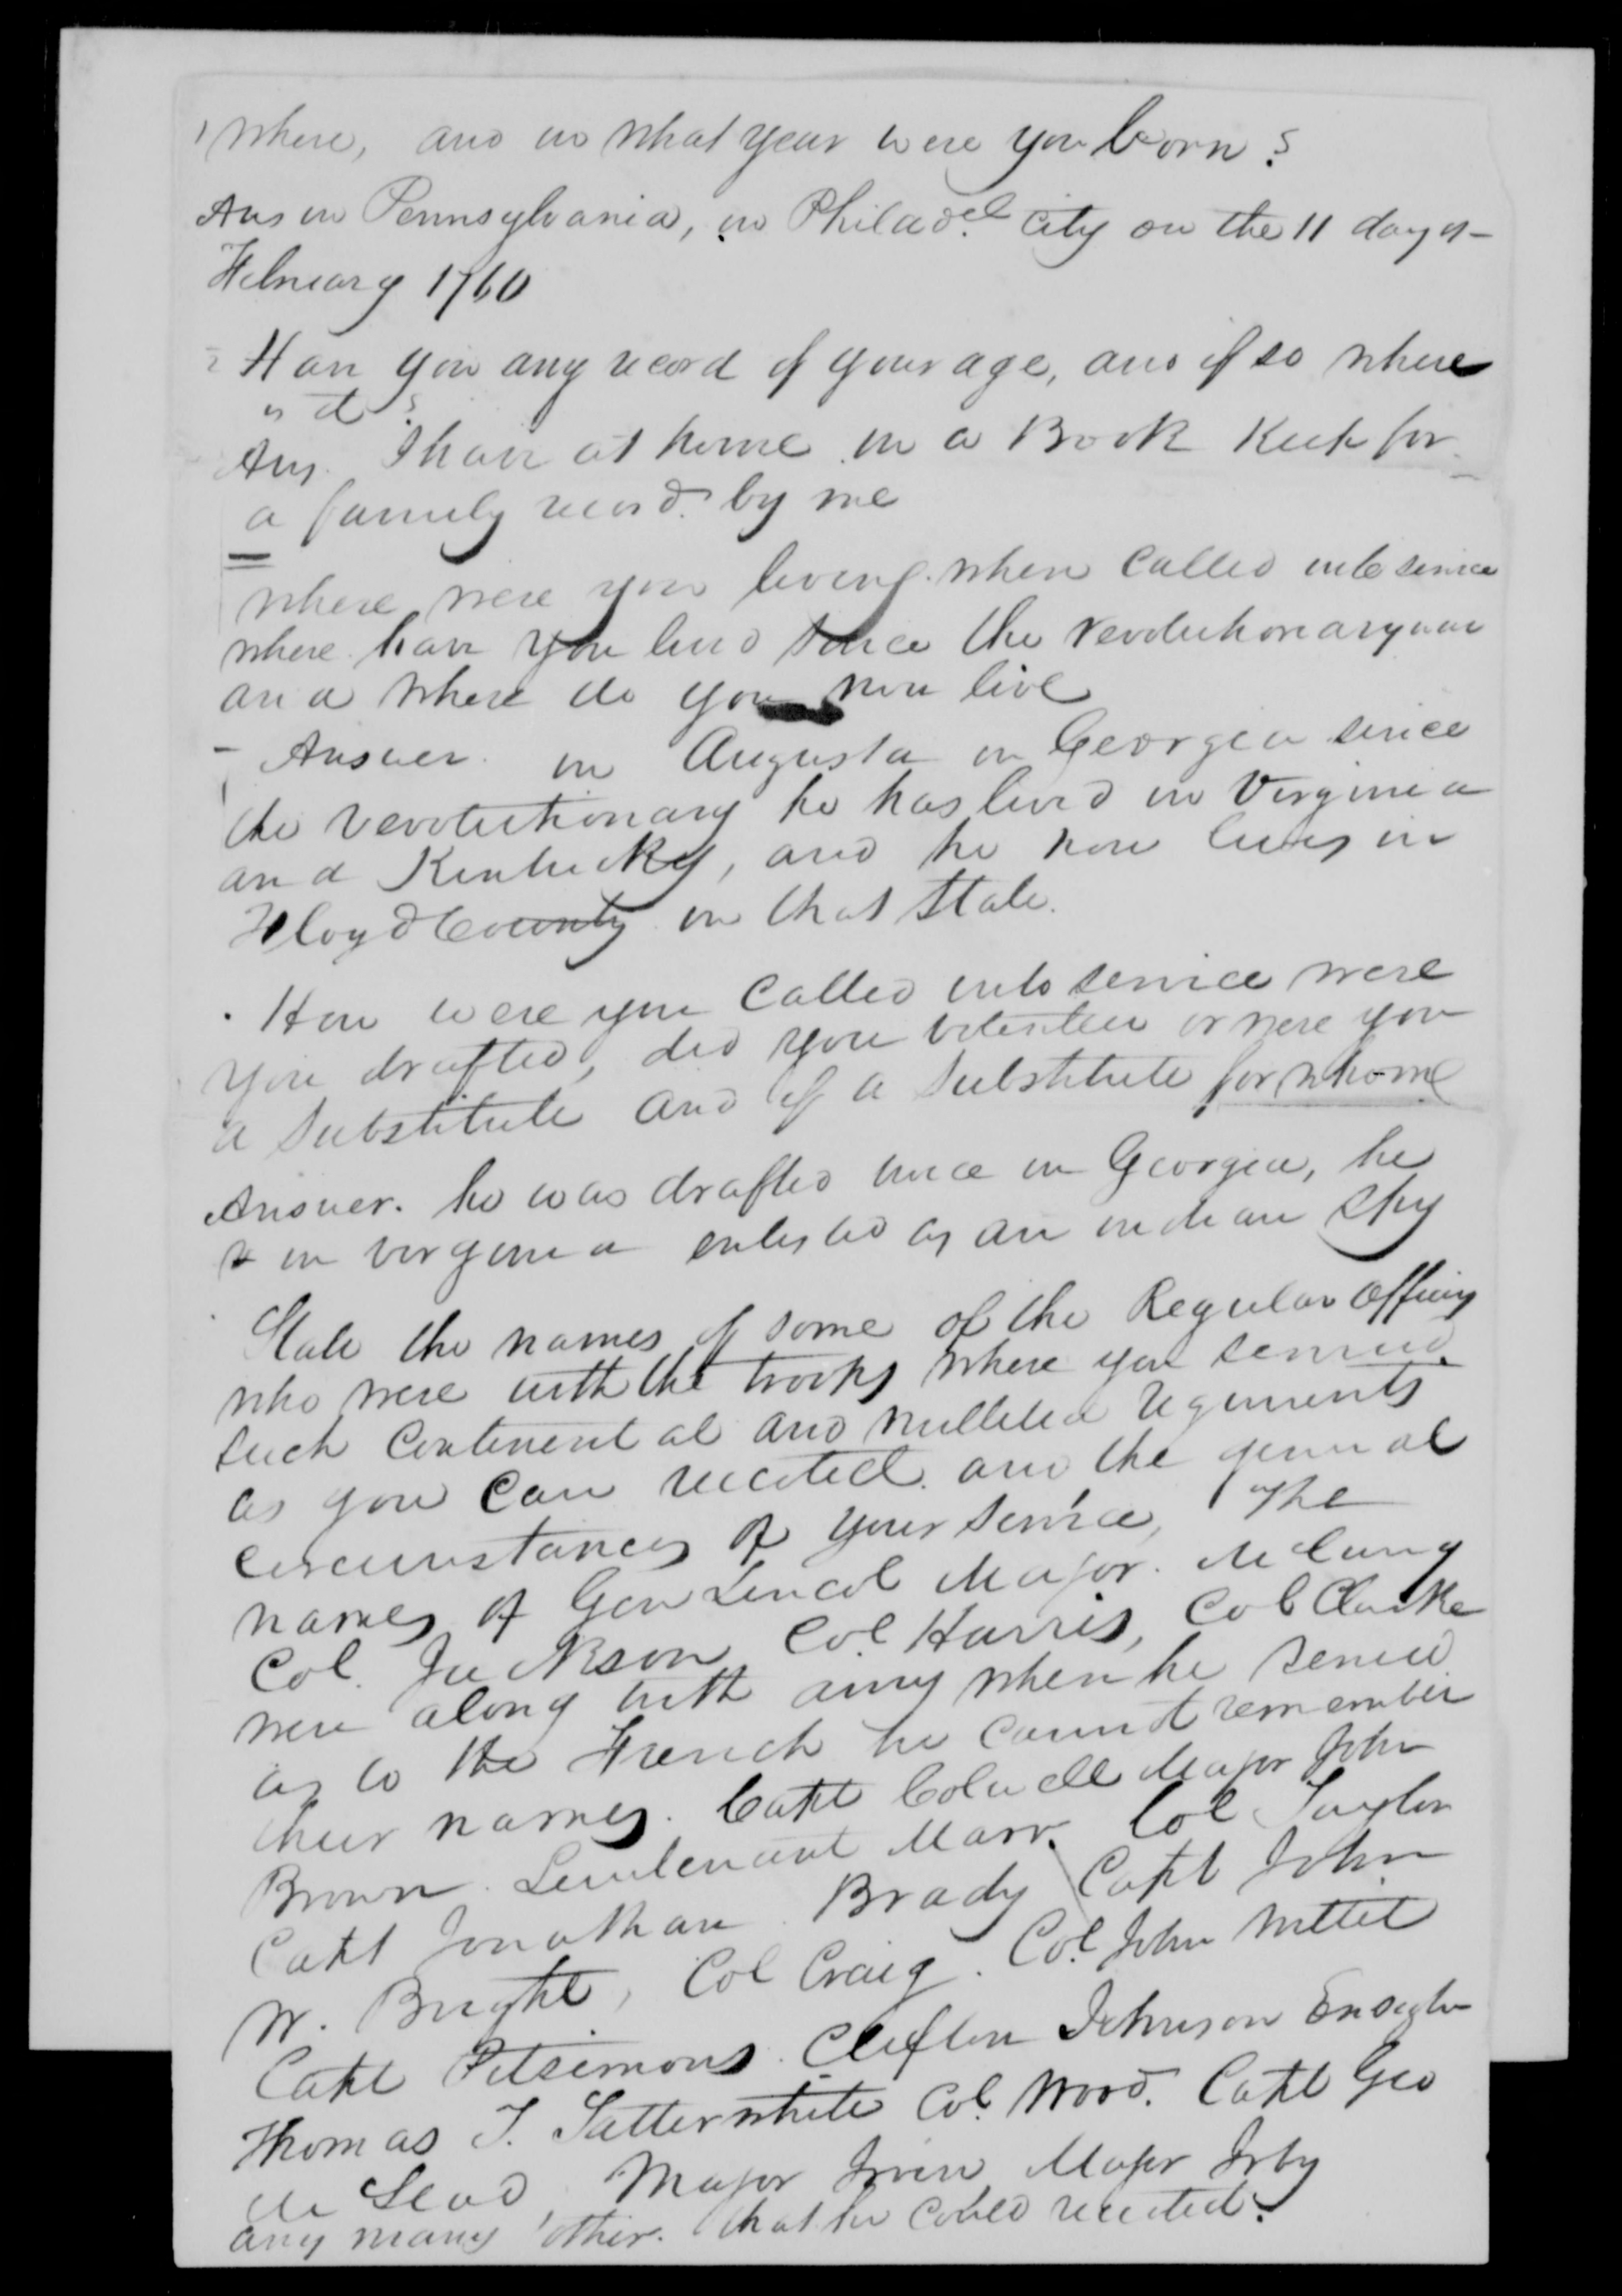1) Where and in what year were you born ? Ans - in Pennsylvania , in Philadelphia City on the 11th day of February 1760 2) Have you any record of your age, and if so , where? Ans - I have at home in a Book keep for a family record by me . 3) Where were you living when called into service , where have you lived since the revolutionary war , and where do you now live ? Ans - In Augusta in Georgia since the revolutionary  , he has lived in Virginia and Kentucky , and he now lives in Floyd County in that State. 4) How were you called into service were you drafted, did you volunteer, or were you a substitute and if a substitute for whom ? Ans - He was drafted once in Georgia he v. in Virginia entered as an Indian spy.  5) State the names of some of the Regular Officers who were with the troops , where you served such Continental and Militia Regiments as you can recollect, and the general circumstances of your service. Ans- The names of Gen. Lincoln, Major M Curry, Col. Jackson., Col. Harris, Col. Clark were along with army when he served as to the French he cannot remember their names. Capt. Colonel Major John Brown ,Lieutenant  Marr, Col. Taylor, Capt . Johnathan Brady , Capt. John W. Bright, Col. Craig, Col. John Wittel, Capt. Pitsimons, Clifton Johnson Ensign, Thomas T. Satterwhite, Col. Wood, Capt. Geo  McLeod, Major Irwin, Major Irby and many others that he could recited.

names: Wood, Jonathan Brady, Jackson, Mc Curry, Geo Mc Leod, Pitsimons Clifton Johnson, John Brown, John Wittel, Lincol, Craig, Marr, Irby, Colwell, John W Breght, Clarke, Taylor, Harris, Irvin, Thomas T Satterwhite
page: 27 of 100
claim: widow's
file: W. 6437, Richard Wells, Ga Va.